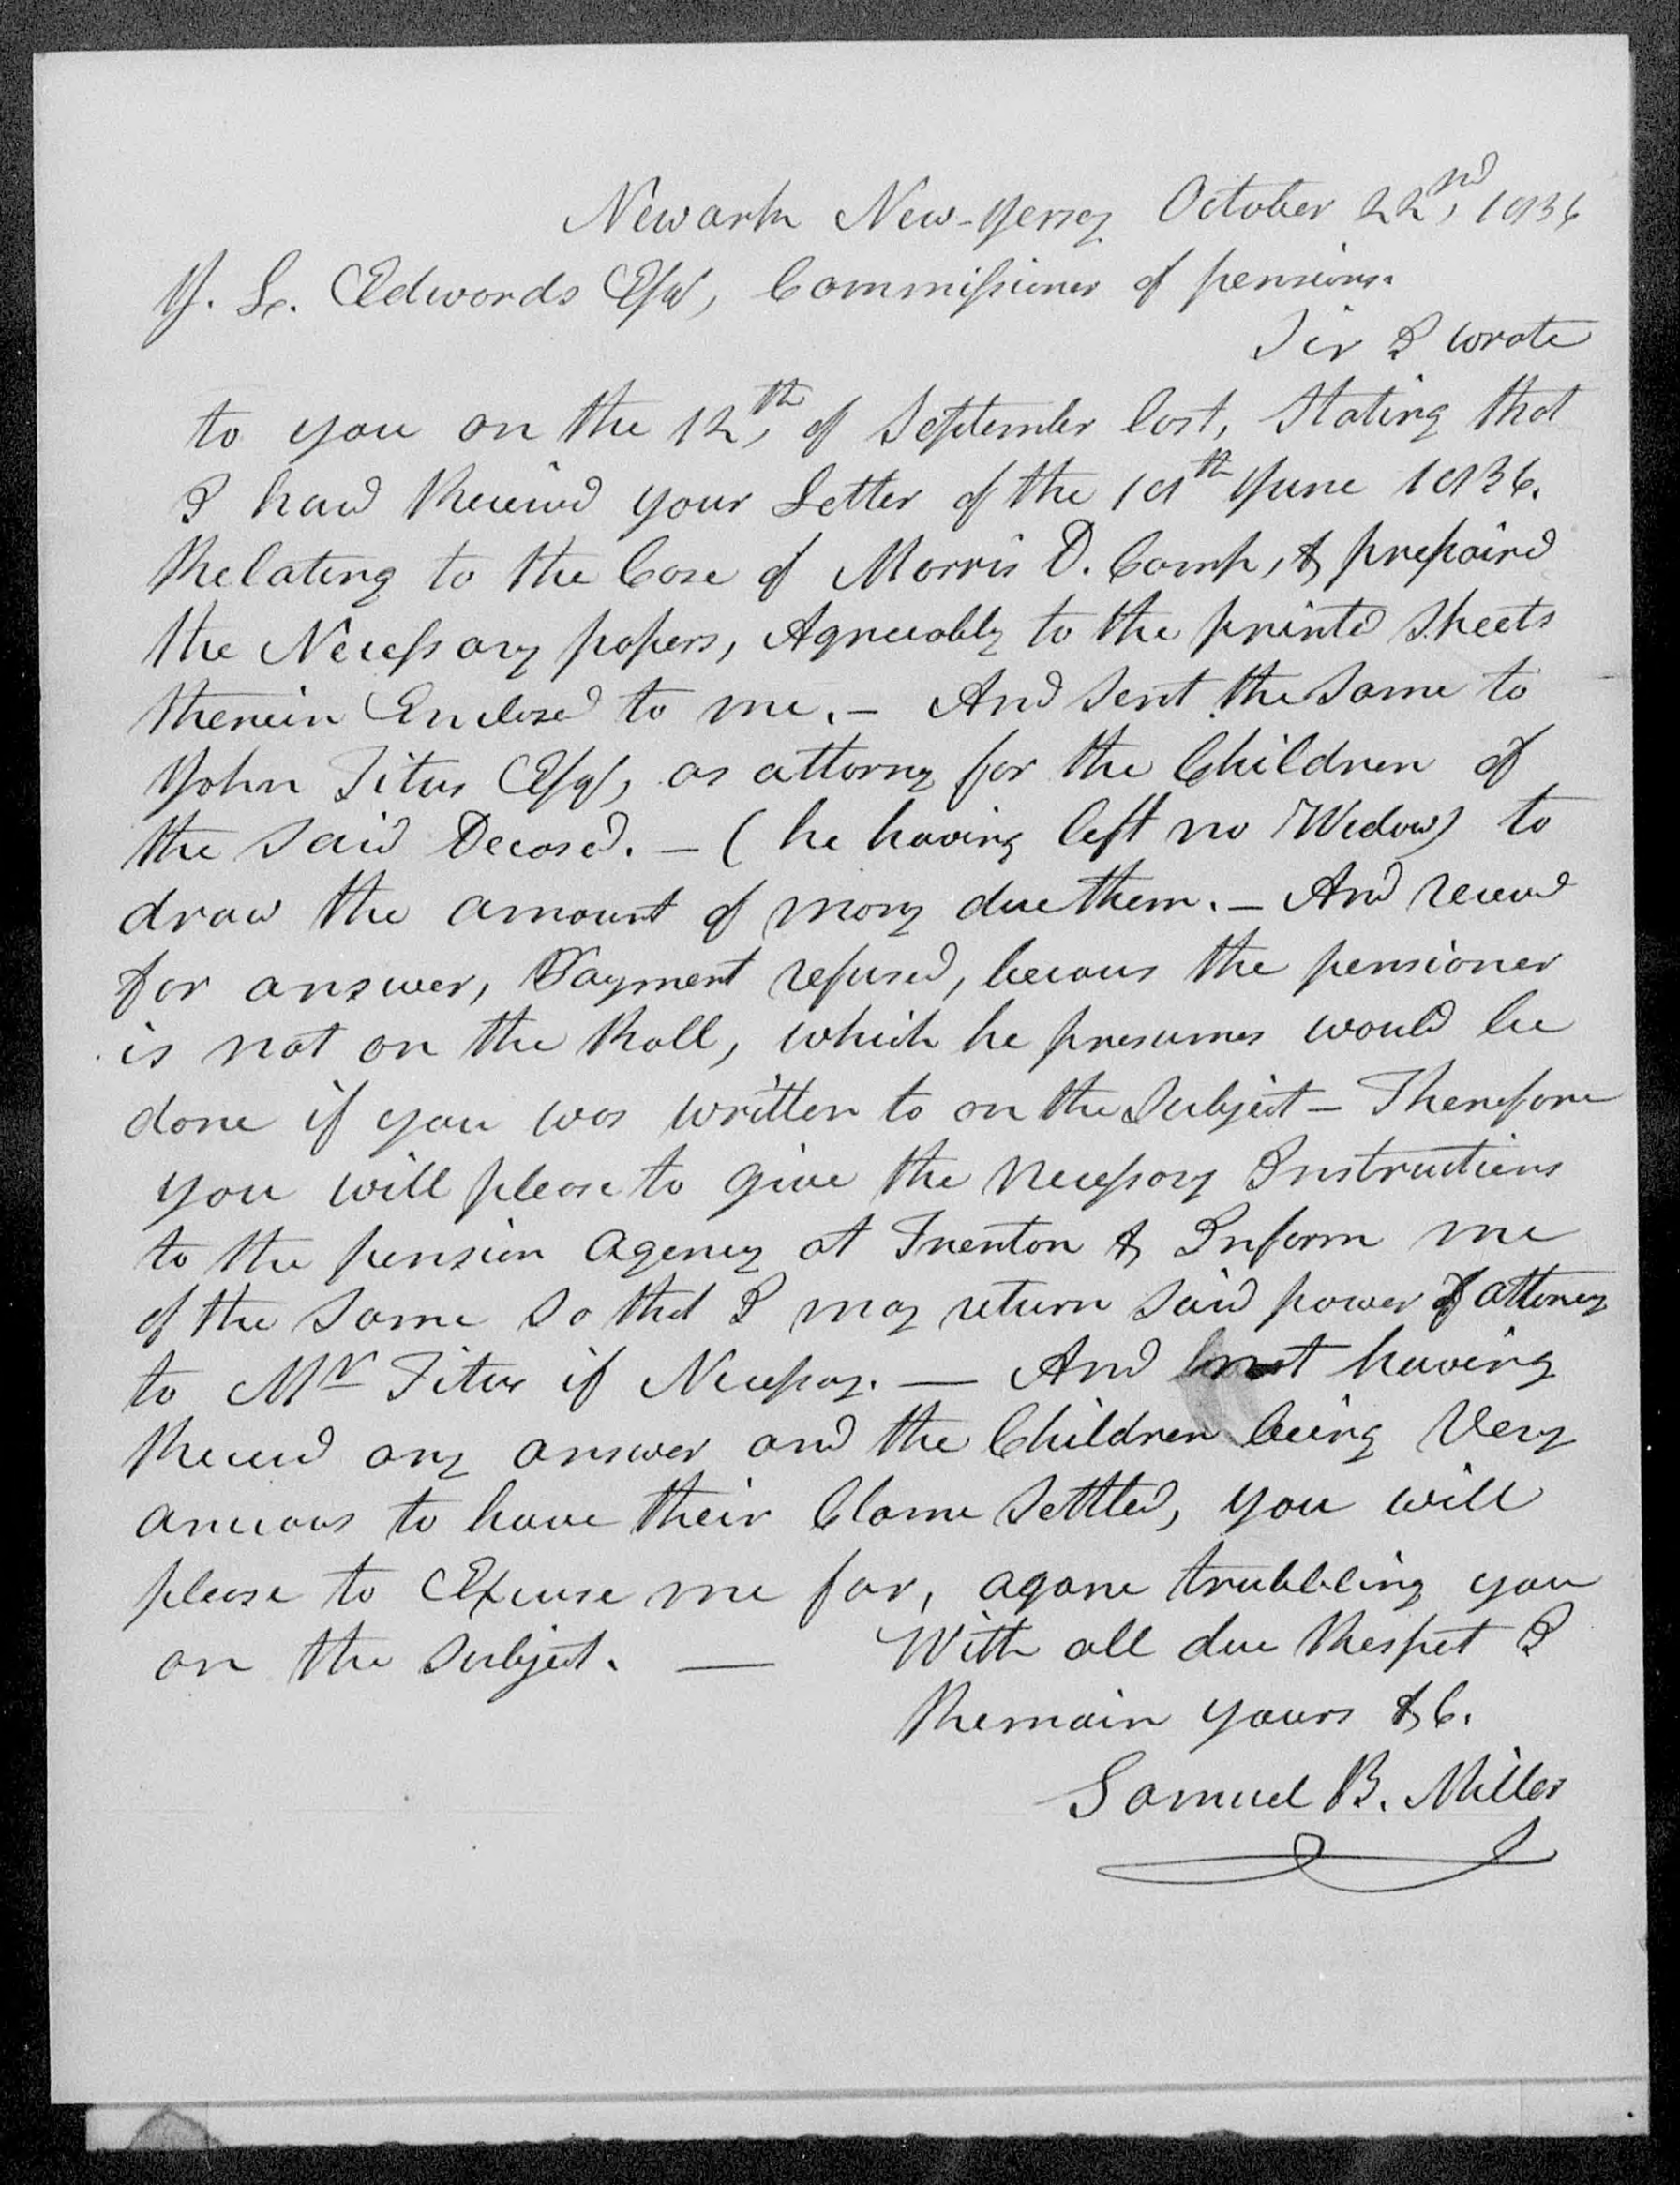Newark New Jersey October 22nd 1836
J. L. Edwards Esqr, Commissioner of pensions
Sir I wrote to you on the 12th of September last, stating that I had received your letter of the 10th June 1836 relating to the case of Morris D. Camp & prepaired the necessary papers, agreeably to the printed sheets therein enclosed to me. - And sent the same to John Titus Esqr, as attorney for the children of the said deceased. - (he having left no widow) to draw the amount of money due them. - And received for answer, payment refused, becaus the pensioner is not on the Roll, which he presumes would be done if you was written to on the subject- Therefore you will please to give the necessary instructions to the pension agency at Trenton & inform me of the same so that I may return said power of attorney to Mr. Titus if necessary. - And not having received ay answer and the children being very anxious to have their claim settled, you will please to excuse me for, again trubbling you on the subject. - With all due respect I remain yours &c. Samuel B. Miller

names: John Titus, Titus, J L Edwards, Morris D Camp, Samuel B Miller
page: 33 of 52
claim: survivor's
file: S. 34172, Morris D Camp, Continental (New Jersey)